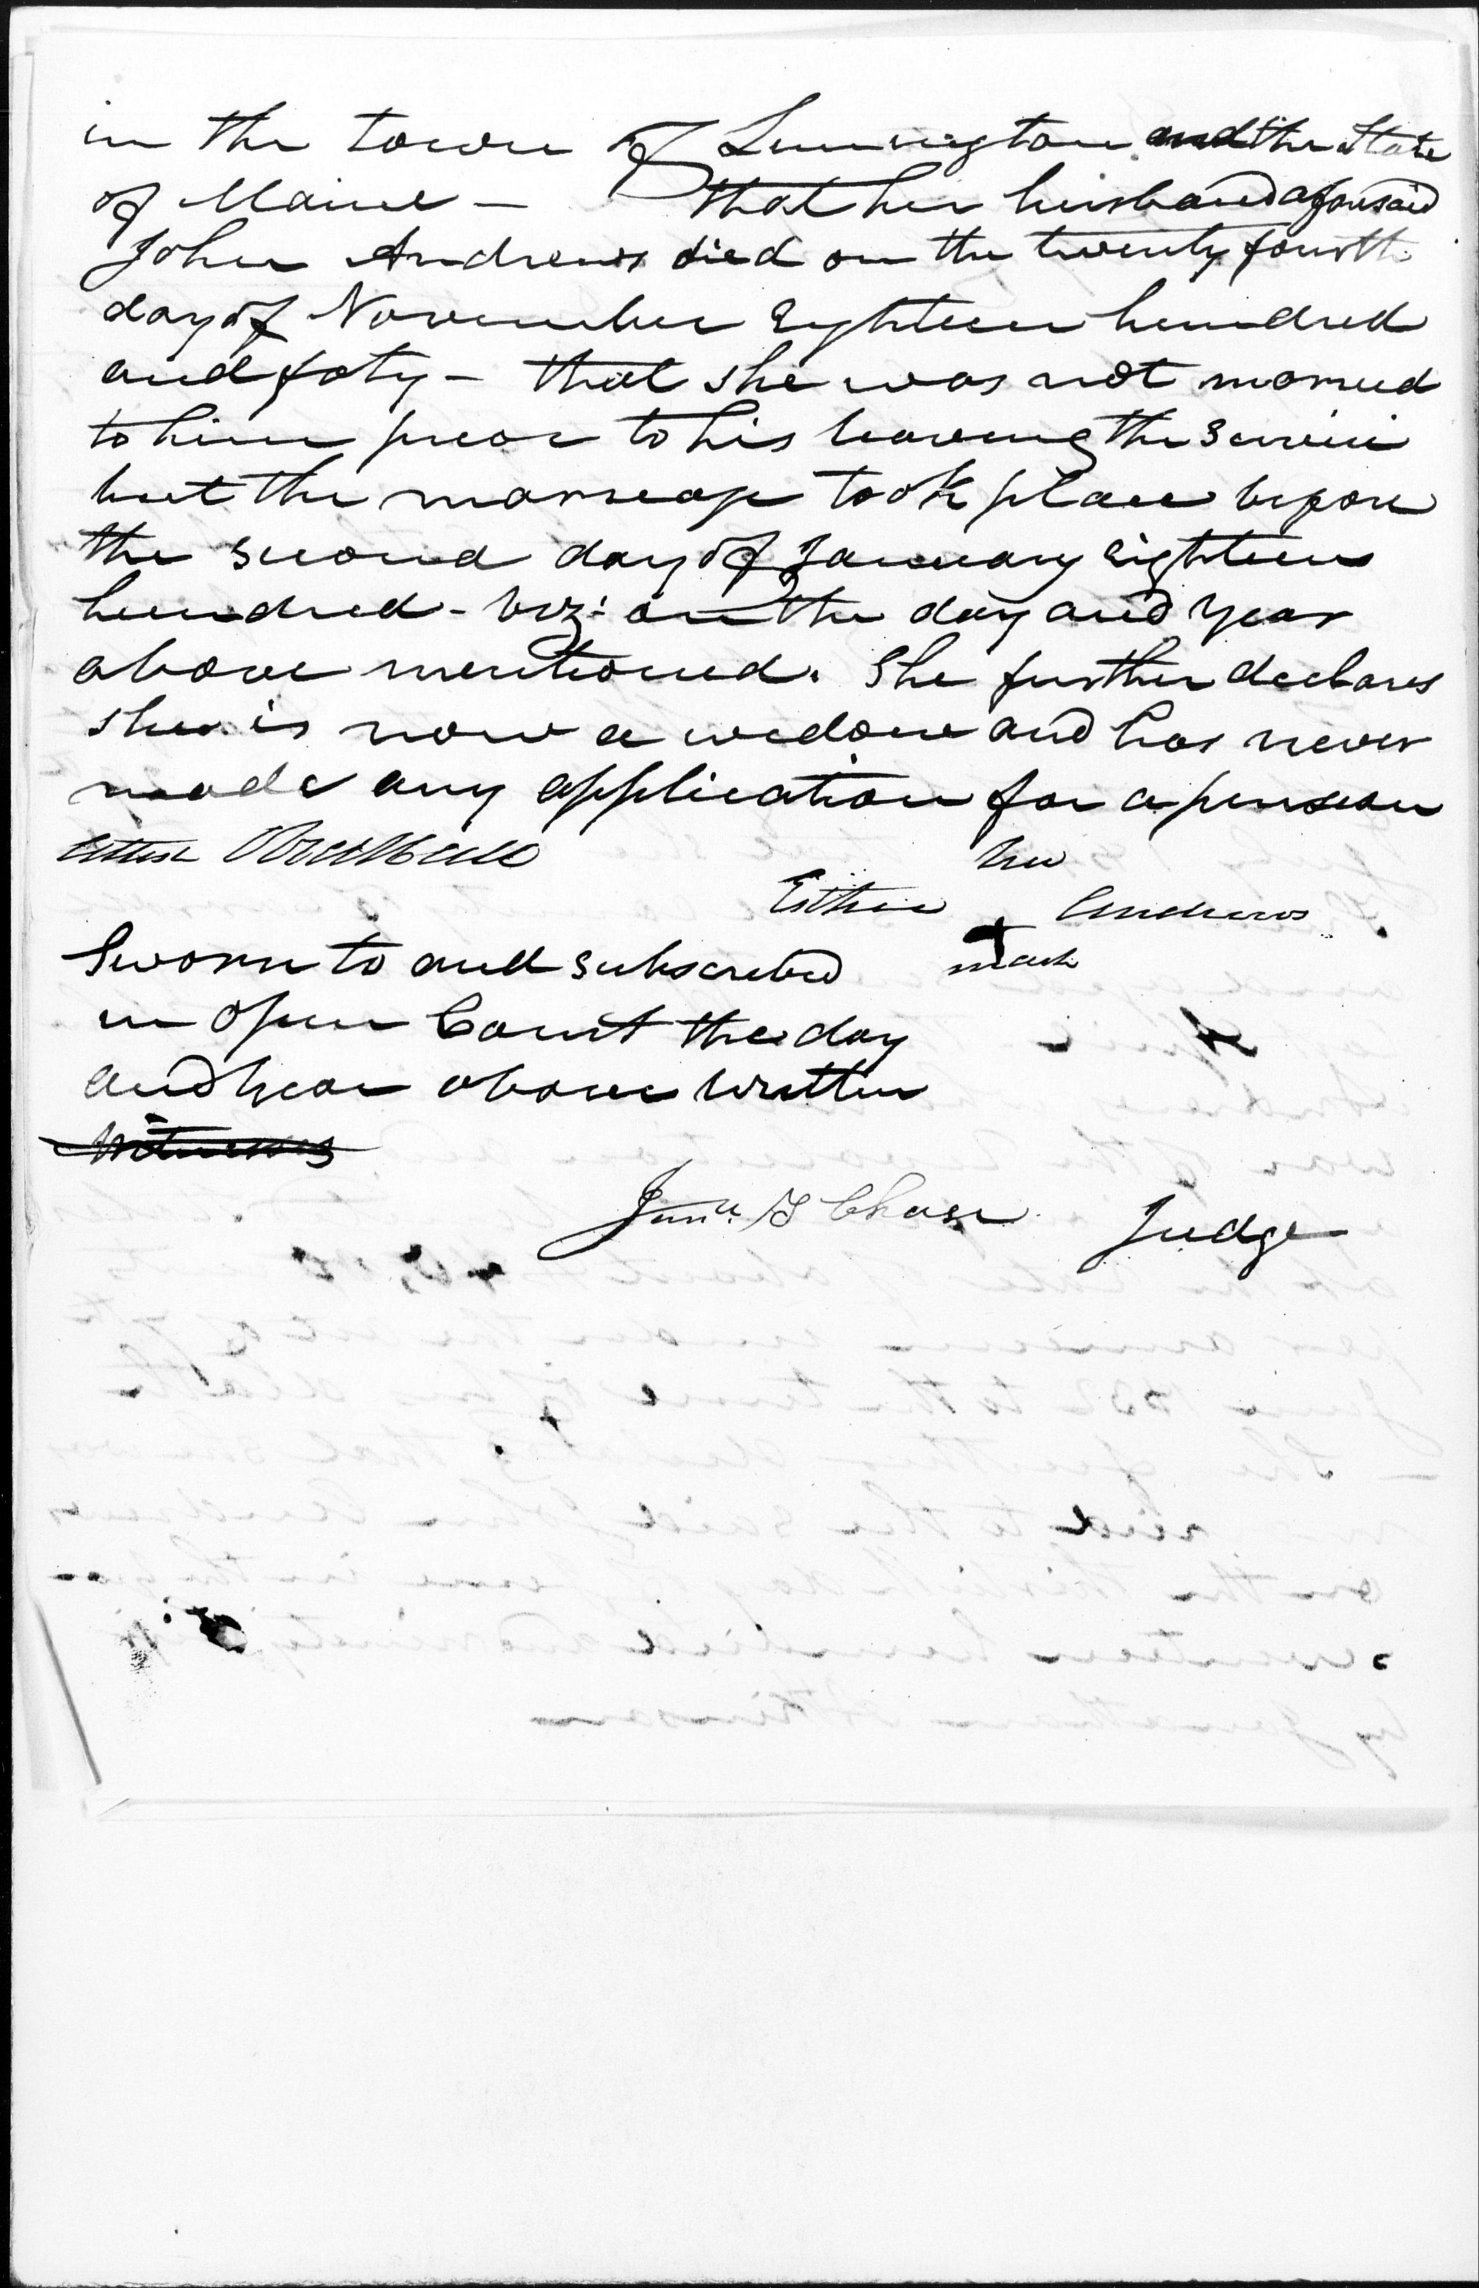in the town of Limington and the State of Maine- that her husband aforesaid John Andrews died on the twenty fourth day of November Eighteen hundred and forty -
- that she was not married to him prior to his leaving the service but the marriage took place before the second day of January Eighteen hundred  viz - on the day and year above mentioned. 

She further declares she is now a widow and has never made any application for a pension 
[illegible] 

Esther Andrews [her mark]

 Sworn to and subscribed in open Court the day and year above written 

Junr G Chase, Judge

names: Esther Andrews, Jona T Chase, John Andrews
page: 11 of 23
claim: widow's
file: W. 1693, John Andrews, Mass.